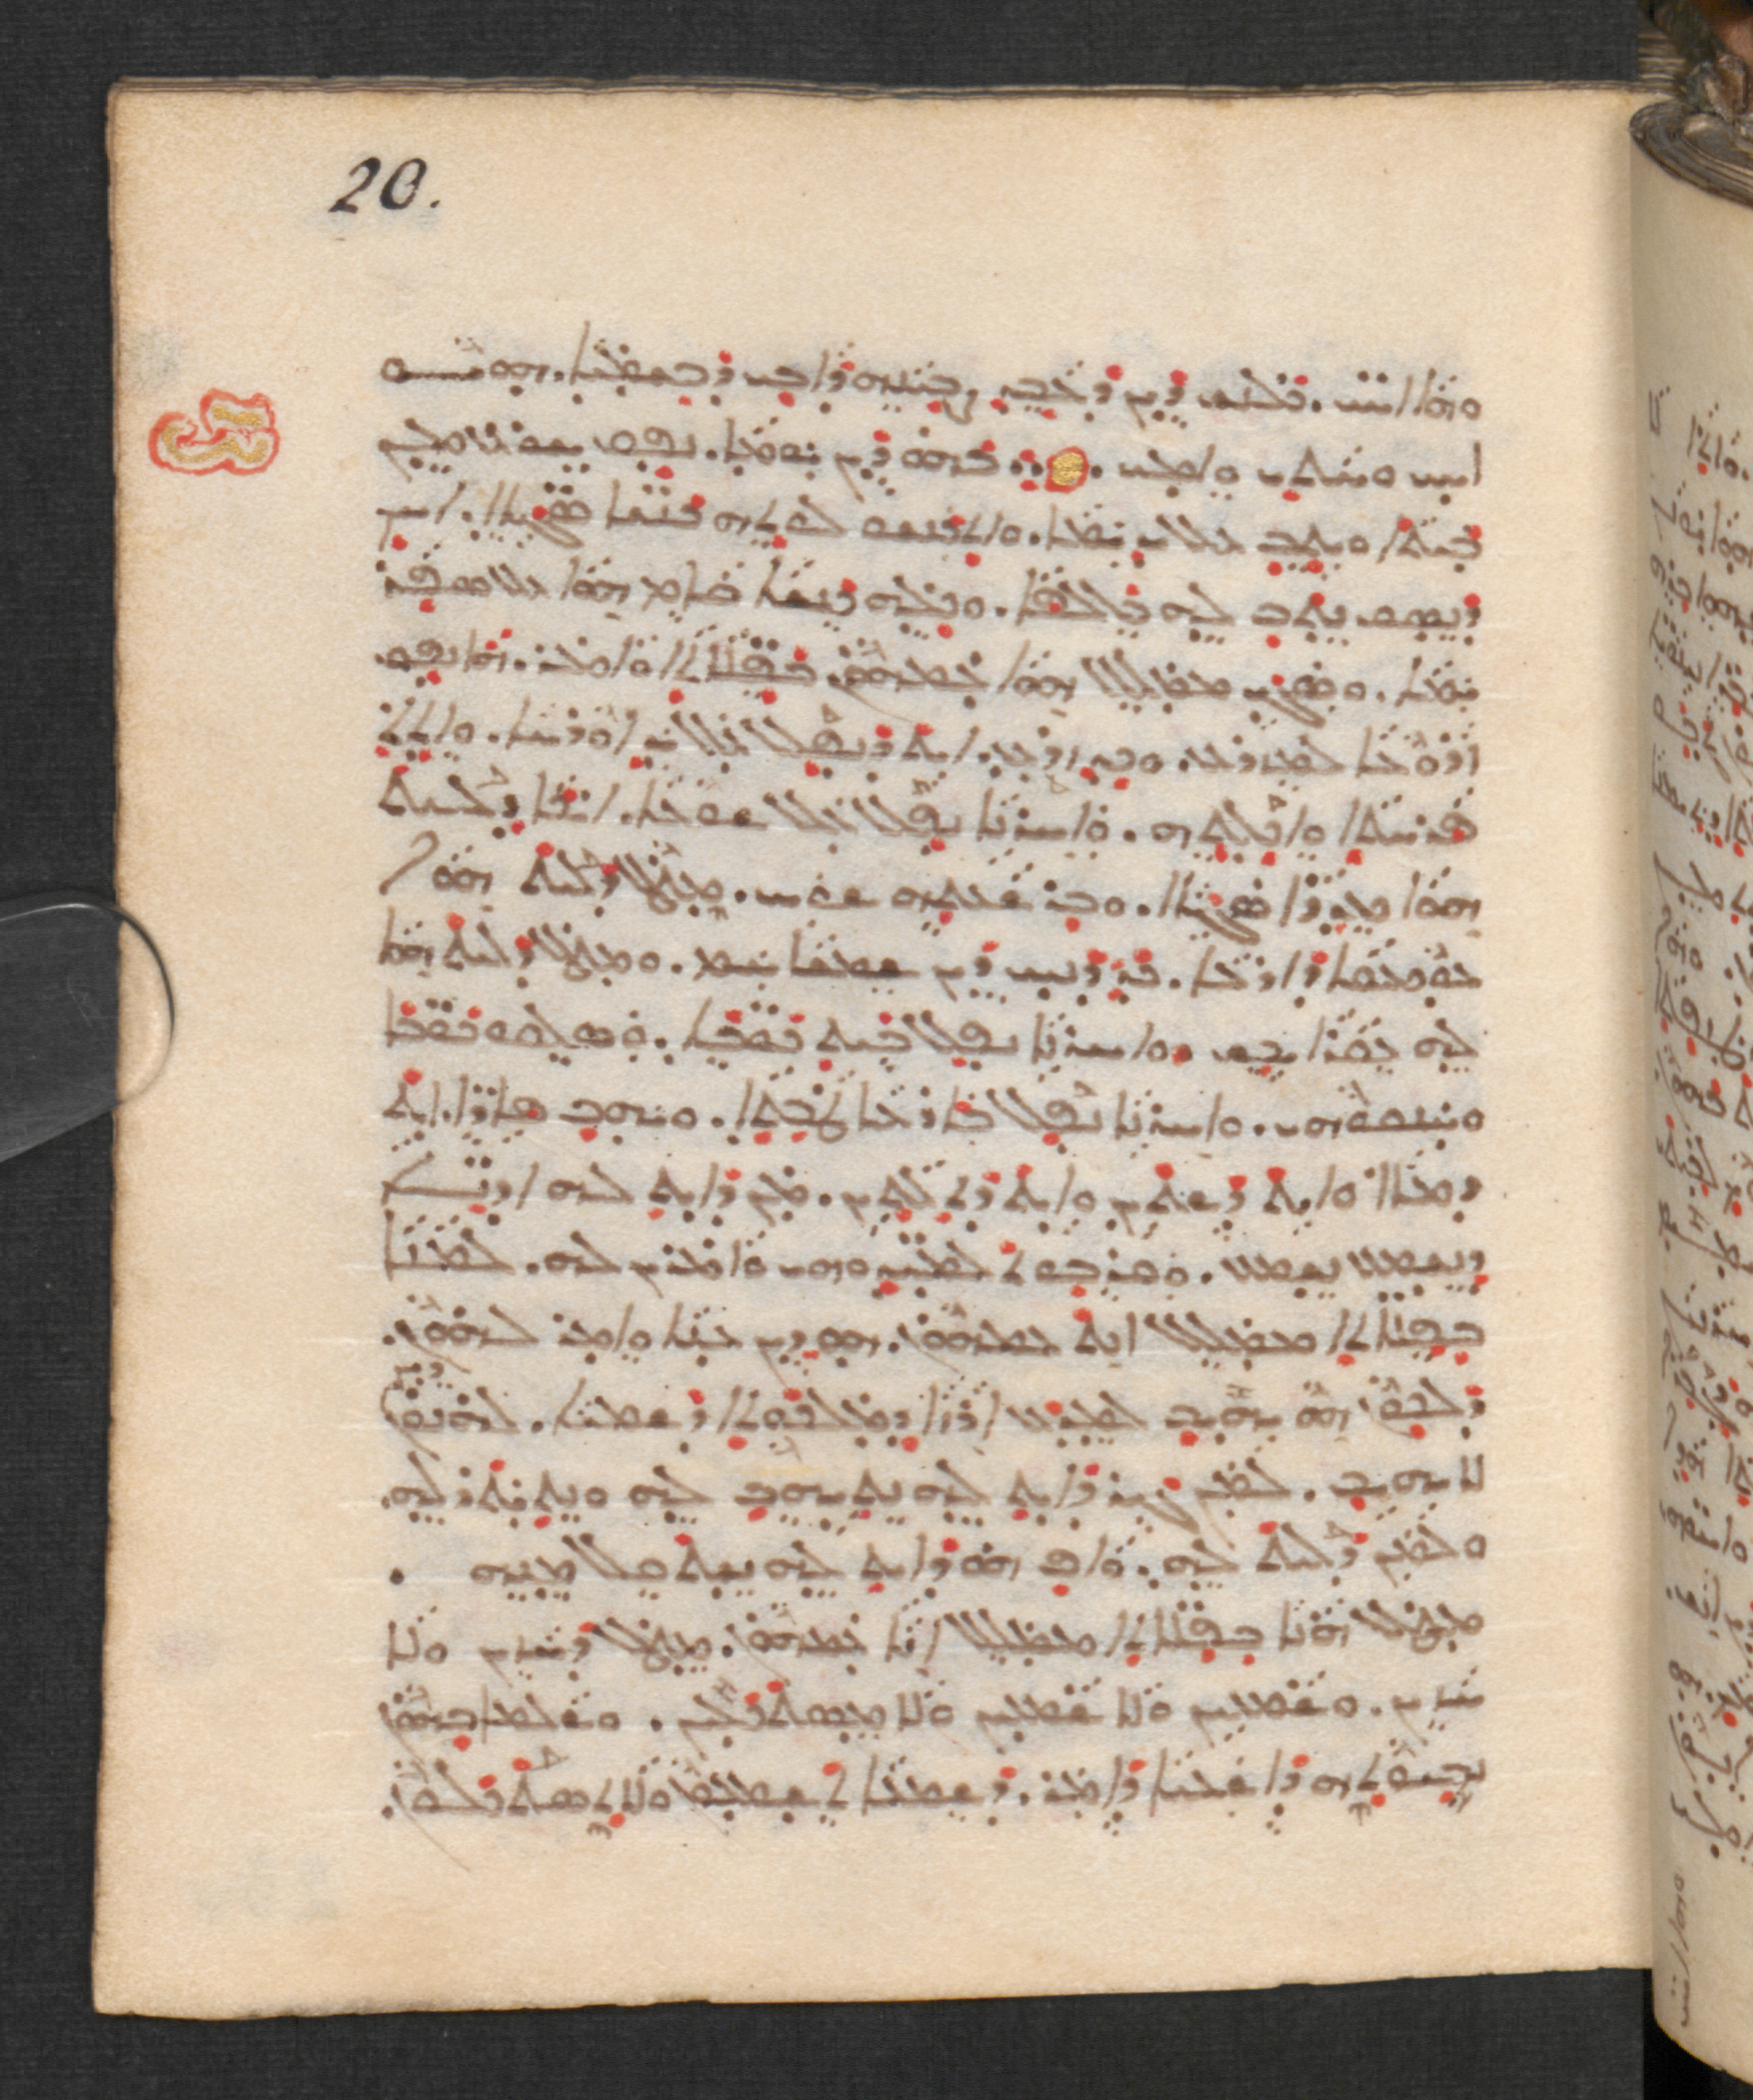ܘܗܐ ܐܚ̈ܝ. ܟܠܢܫ ܕܝܢ ܕܥܒܕ ܨܒܝܢܗ ܕܐܒܝ ܕܒܫܡܝܐ. ܗܘܝܘ
ܐܚܝ ܘܚܬܝ ܘܐܡܝ.܀ ܒܗ̇ܘ ܕܝܢ ܝܘܡܐ. ܢܦ̣ܩ ܝܫܘܥ ܡ̣ܢ
ܒܝܬܐ ܘܝܬܒ ܥܠ ܝܕ ܝܡܐ. ܘܐܬܟܢܫܘ ܠܘܬܗ ܟܢ̈ܫܐ ܣ̈ܓܝܐܐ܆ ܐܝܟ
ܕܢܣ̣ܩ ܢܬ̣ܒ ܠܗ ܒܐܠܦܐ. ܘܟܠܗ ܟܢܫܐ ܩܐܡ ܗܘܐ ܥܠ ܣܦܪ
ܝܡܐ. ܘܣܓܝ ܡܡܠܠ ܗܘܐ ܥܡܗܘܢ ܒܦ̈ܠܐܬܐ ܘܐܡ̇ܪ. ܗܐ ܢܦ̣ܩ
ܙܪܘܥܐ ܠܡܙܪܥ. ܘܟܕ ܙܪܥ܆ ܐܝܬ ܕܢܦ̣ܠ ܥܠ ܝܕ ܐܘܪܚܐ. ܘܐܬ̣ܬ
ܦܪܚܬܐ ܘܐܟܠܝܬܗ. ܘܐܚܪܢܐ ܢܦ̣ܠ ܥܠ ܫܘܥܐ. ܐܝܟܐ ܕܠܝܬ
ܗܘܐ ܡܕܪܐ ܣܓܝܐܐ. ܘܒܪ ܫܥܬܗ ܫܘܚ. ܡܛܠ ܕܠܝܬ ܗܘܐ
ܥܘܡܘܐ ܕܐܪܥܐ. ܟܕ ܕܢ̣ܚ ܕܝܢ ܫܡܫܐ ܚܡ. ܘܡܛܠ ܕܠܝܬ ܗܘܐ
ܠܗ ܥܩܪܐ ܝܒܫ. ܘܐܚܪܢܐ ܢܦ̣ܠ ܒܝܬ ܟܘ̈ܒܐ. ܘܣܠܩܘ ܟܘ̈ܒܐ
ܘܚܢܩܘܗܝ. ܘܐܚܪܢܐ ܢܦ̣ܠ ܒܐܪܥܐ ܛܒܬܐ ܘܝܗ̣ܒ ܦܐܪ̈ܐ ܐܝܬ
ܕܡܐܐ ܘܐܝܬ ܕܫܬܝܢ ܘܐܝܬ ܕܬܠܬܝܢ. ܡ̇ܢ ܕܐܝܬ ܠܗ ܐܕܢ̈ܐ
ܕܢܫܡܥ ܢܫܡܥ. ܘܩܪܒܘ ܬܠܡܝ̈ܕܘܗܝ ܘܐܡܪܝܢ ܠܗ. ܠܡܢܐ
ܒܦܠܐ̈ܬܐ ܡܡܠܠ ܐܢܬ ܥܡܗܘܢ. ܗ̣ܘ ܕܝܢ ܥܢ̣ܐ ܘܐܡ̣ܪ ܠܗܘܢ.
ܕܠܟܘܢ ܗܘ ܝܗܝܒ ܠܡܕܥ ܐܪܙܐ ܕܡܠܟܘܬܐ ܕܫܡܝܐ. ܠܗܢܘܢ
ܠܐ ܝܗܝܒ. ܠܡܢ ܓܝܪ ܕܐܝܬ ܠܗ ܘܢܬܝܗܒ ܠܗ ܘܢܬܝܬܪ ܠܗ.
ܘܠܡܢ ܕܠܝܬ ܠܗ. ܘܐܦ ܗ̇ܘ ܪܐܝܬ ܠܗ ܝܫܬܩܠ ܡܢܗ.
ܡܛܠ ܗܢܐ ܒܦ̈ܠܐܬܐ ܡܡܠܠ ܐܝܐ ܥܡܗܘܢ. ܡܛܠ ܕܚܙܝܢ ܘܠܐ
ܚܙܝܢ. ܘܫ̇ܡܥܝܢ ܘܠܐ ܫܡܥܝܢ ܘܠܐ ܡܣܬܟܠܝܢ. ܘܫܠܡܐ ܒܗܘܢ
ܢܒܝܘܬܗ ܕܐ ܫܥܝܐ ܕܐܡܪ. ܕܫܡܥܐ ܬܫܡܥܘܢ ܘܠܐ ܬܣܬܟܠܘܢ.
20
13